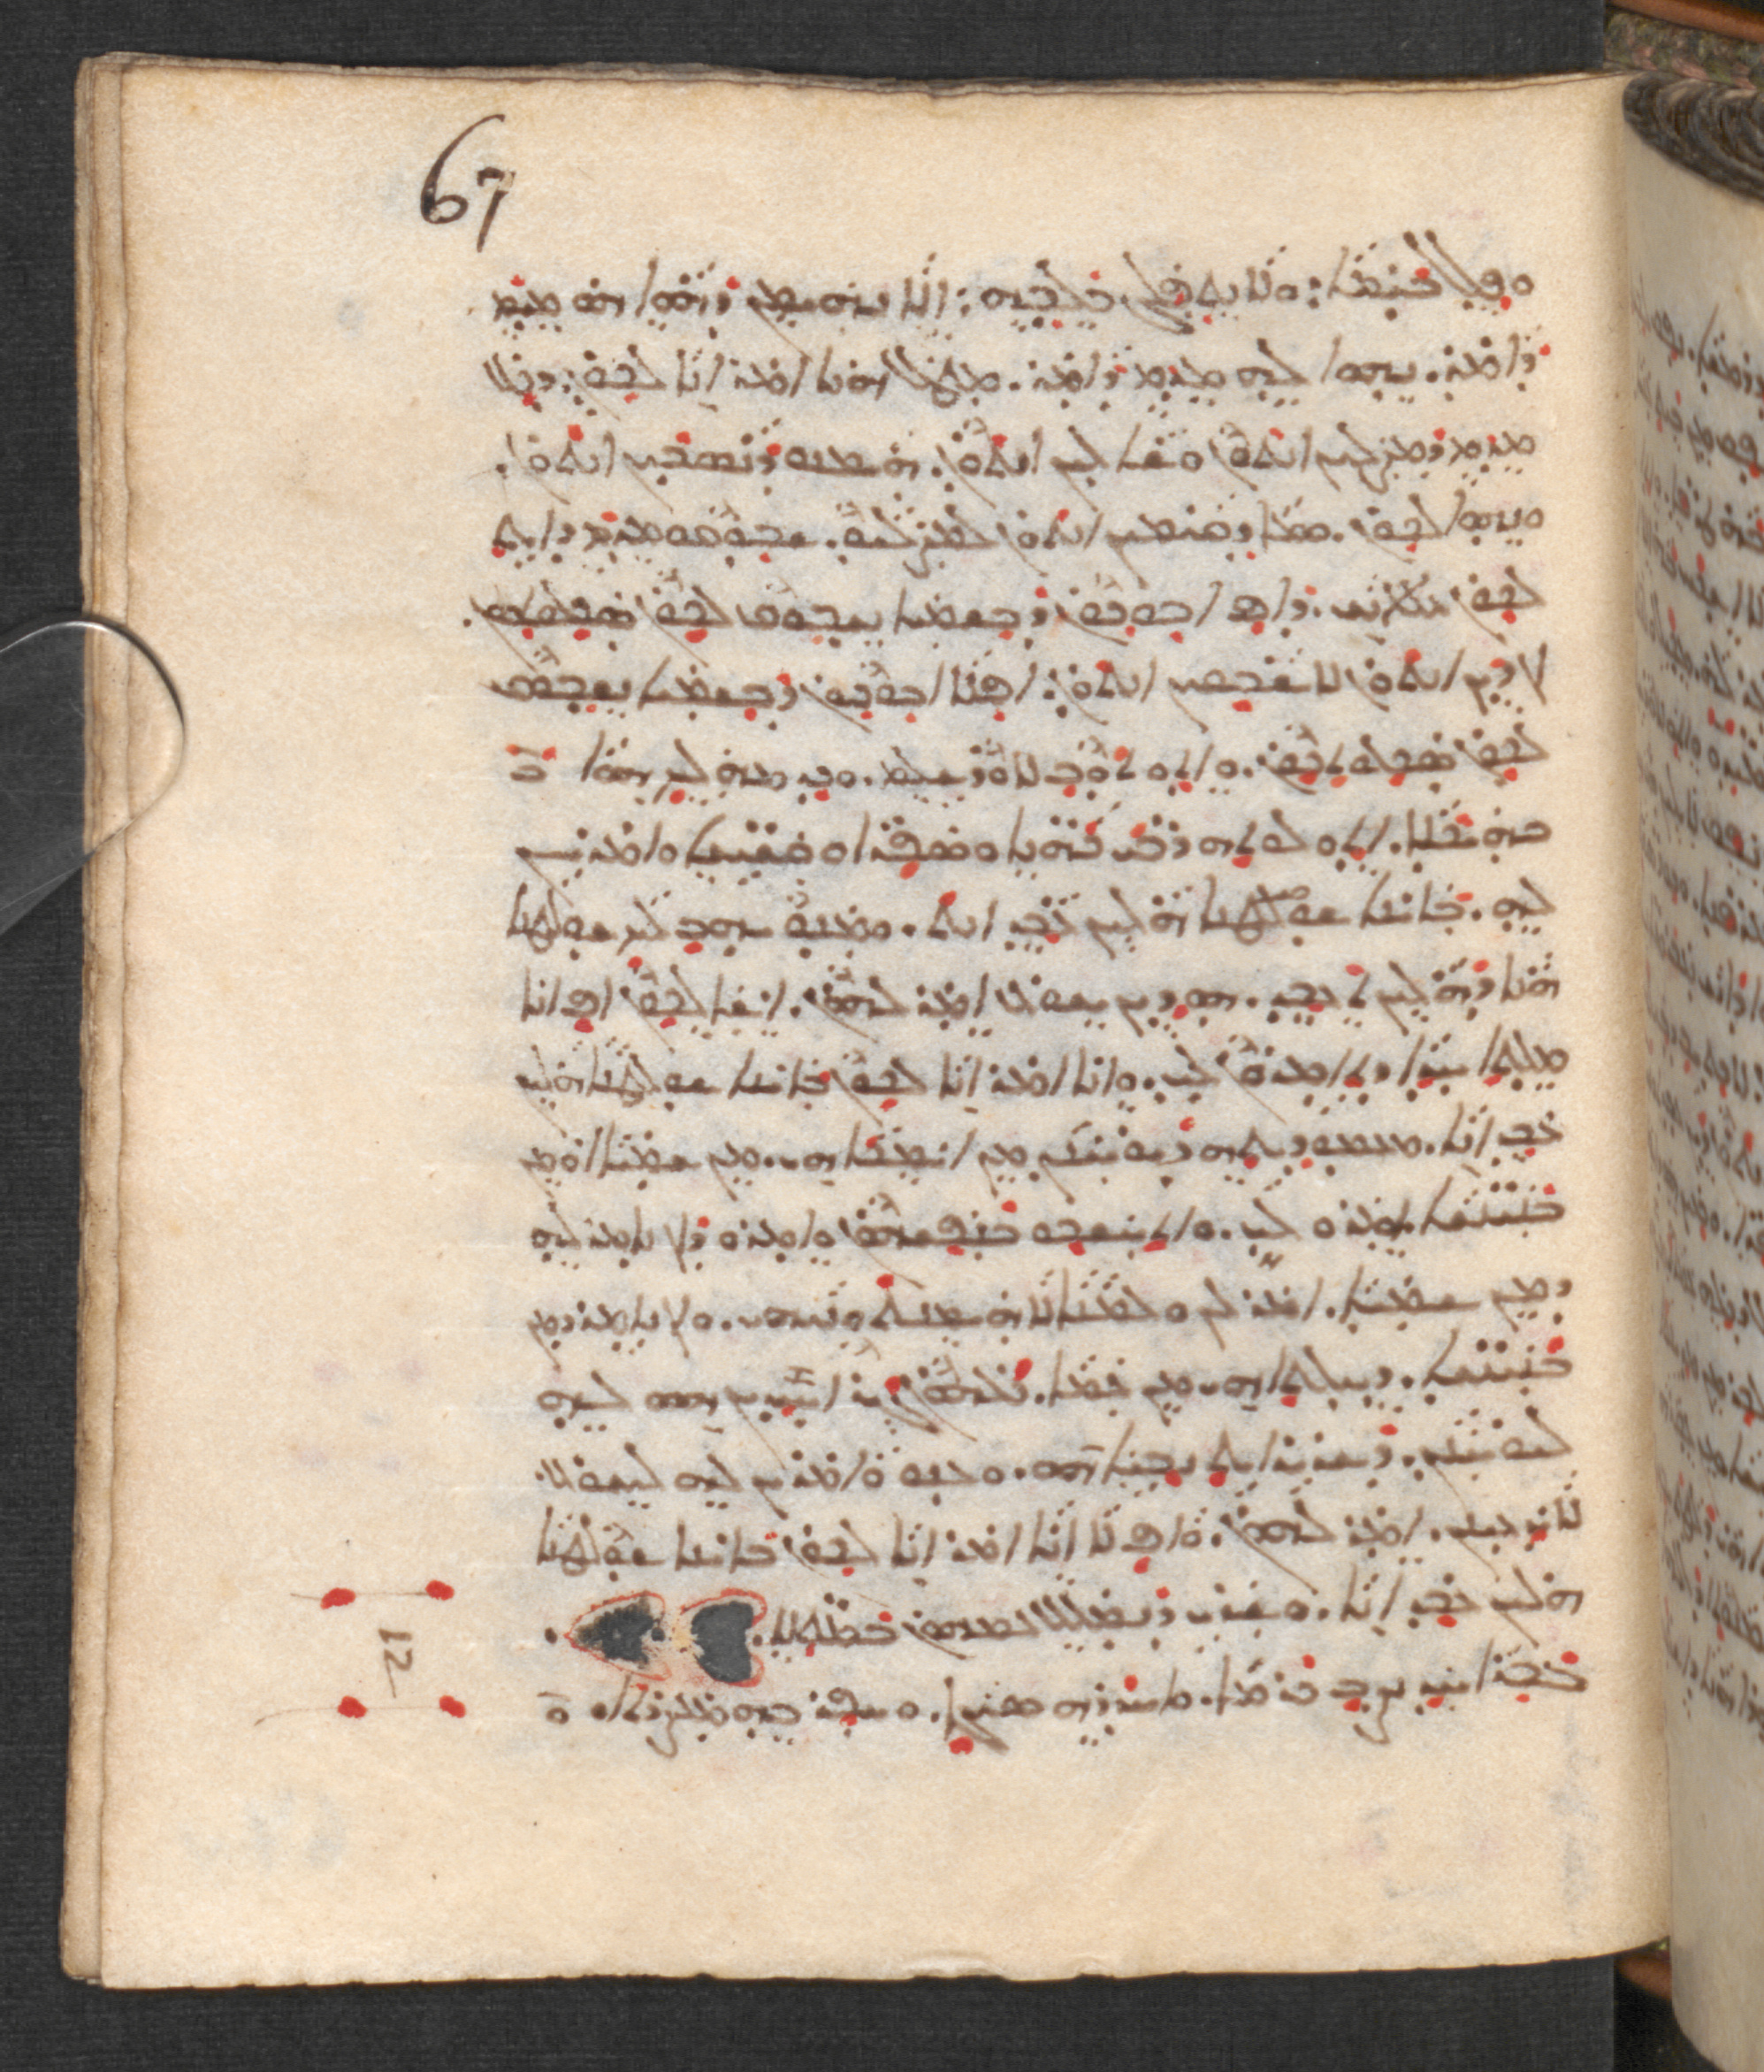ܘܦܠ ܒܝܡܐ: ܘܠܐ ܢܬܦܠܓ ܒܠܒܗ: ܐܠܐ ܢܗܝܡܢ ܕܗܘ̇ܐ ܗ̇ܘ ܡܕܡ
ܕܐܡ̇ܪ܆ ܢܗܘܐ ܠܗ ܡܕܡ ܕܐܡ̣ܪ. ܡܛܠ ܗܢܐ ܐܡ̇ܪ ܐܢܐ ܠܟܘܢ܆ ܕܟܠ
ܡܕܡ ܕܡܨܠܝܢ ܐܢܬܘܢ ܘܫ̇ܐܠܝܢ ܐܢܬܘܢ܆ ܗܝܡܢܘ ܕܢܣܒܝܢ ܐܢܬܘܢ.
ܘܢܗܘܐ ܠܟܘܢ. ܘܡܐ ܕܩܝܡܝܢ ܐܢܬܘܢ ܠܡܨܠܝܘ܆ ܫܒܘܩܘ ܡܕܡ ܕܐܝܬ
ܠܟܘܢ ܥܠ ܐܢܫ. ܕܐܦ ܐܒܘܟܘܢ ܕܒܫܡܝܐ ܢܫܒܘܩ ܠܟܘܢ ܣܟܠܘܬܟܘܢ
ܐܢ ܕܝܢ ܐܢܬܘܢ ܠܐ ܫ̇ܒܩܝܢ ܐܢܬܘܢ܆ ܐܦܠܐ ܐܒܘܟܘܢ ܕܒܫܡܝܐ ܢܫܒܘܩ
ܠܟܘܢ ܣܟܠܘܬܟܘܢ. ܘܐܬ̣ܘ ܬܘܒ ܠܐܘܪܫܠܡ. ܘܟܕ ܡܗܠܟ ܗܘܐ ܏ܒ
ܒܗܝܟܠܐ. ܐܬ̣ܘ ܠܘܬܗ ܪ̈ܒܝ ܟܗ̈ܢܐ ܘܣܦܪ̈ܐ ܘܩܫ̈ܝܫܐ ܘܐܡ̇ܪܝܢ
ܠܗ. ܒܐܝܢܐ ܫܘܠܛܢܐ ܗܠܝܢ ܥ̇ܒܕ ܐܢܬ. ܘܡܢܘ ܝܗ̣ܒ ܠܟ ܫܘܠܛܢܐ
ܗܢܐ ܕܗܠܝܢ ܬܥܒܕ. ܗ̣ܘ ܕܝܢ ܝܫܘܥ ܐܡܪ ܠܗܘܢ. ܐܫܐܠܟܘܢ ܐܦ ܐܢܐ
ܡܠܬܐ ܚܕܐ ܕܬܐܡܪܘܢ ܠܝ܆ ܘܐܢܐ ܐܡܪ ܐܢܐ ܠܟܘܢ ܒܐܝܢܐ ܫܘܠܛܢܐ ܗܠܝܢ
ܥ̇ܒܕ ܐܢܐ. ܡܥܡܘܕܝܬܗ ܕܝܘܚܢܢ ܡܢ ܐܡܟܐ ܗܝ. ܡܢ ܫܡܝܐ ܐܘ ܡܢ
ܒܢܝ̈ܢܫܐ ܐܡܪܘ ܠܝ. ܘܐܬܚܫܒܘ ܒܢܦܫܗܘܢ ܘܐܡ̣ܪܘ ܕܐܢ ܢܐܡܪ ܠܗ
ܕܡܢ ܫܡܝܐ܆ ܐܡ̇ܪ ܠܢ ܘܠܡܢܐ ܠܐ ܗܡܢܬܘܢܝܗܝ. ܘܐܢܐܡܪ ܕܡܢ
ܒܢܝܢ̈ܫܐ܆ ܕܚܠܬܐ ܗܝ ܡܢ ܥܡܐ. ܟܠܗܘܢ ܓܝܪ ܐܚܝܕܝܢ ܗܘܘ ܠܗ
ܠܝܘܚܢܢ܆ ܕܫܪܝܪܐܝܬ ܢܒܝܐ ܗܘ. ܘܥܢ̣ܘ ܘܐܡ̇ܪܢ ܠܗ ܠܝܫܘܥ.
ܠܐ ܝ̇ܕܥܝܢܢ. ܐܡܪ ܠܗܘܢ܇ ܘܐܦ ܠܐ ܐܢܐ ܐܡ̇ܪ ܐܢܐ ܠܟܘܢ ܒܐܝܢܐ ܫܘܠܛܢܐ
ܗܠܝܢ ܥ̇ܒܕ ܐܢܐ. ܘܫܪܝ ܕܢܡܠܠ ܥܡܗܘܢ ܒܡ̈ܬܠܐ. ܀ ܀ .
ܓܒܪܐ ܚܕ ܢܨ̣ܒ ܟܪܡܐ. ܘܐܚܕܪܗ ܣܝܓܐ. ܘܚܦ̣ܪ ܒܗ ܡܥܨܪܬܐ. ܏ܘ
67
12